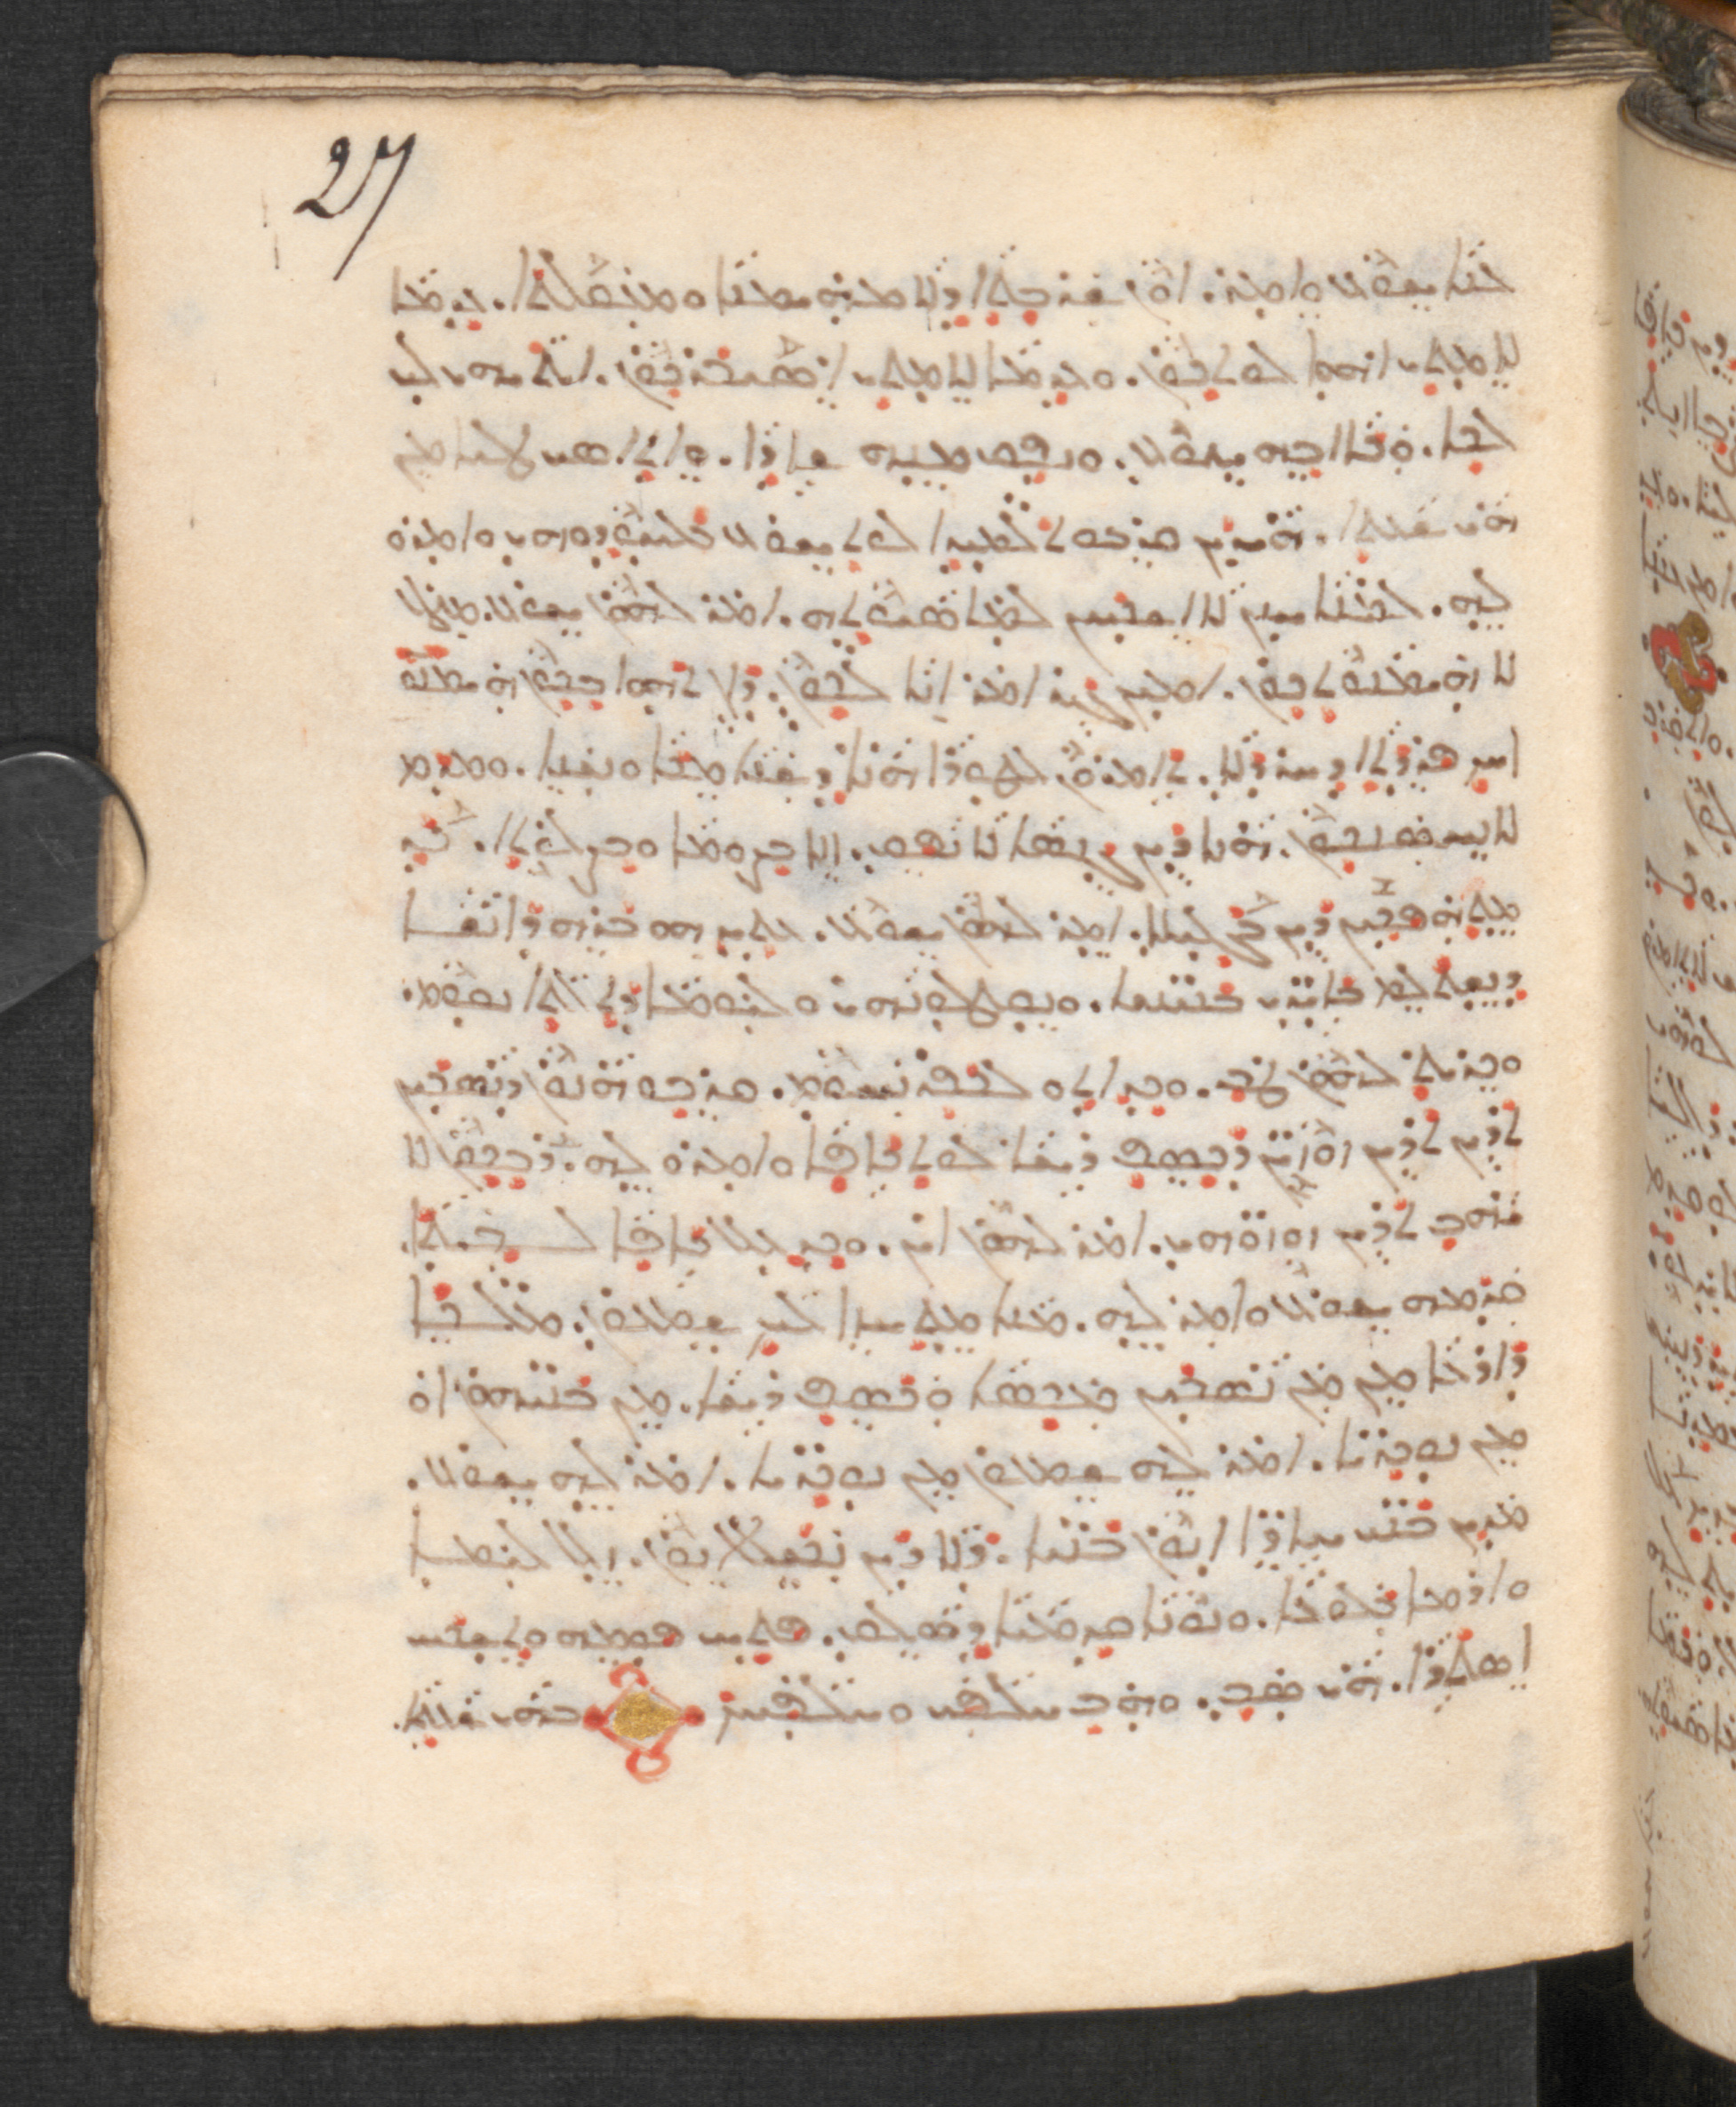ܥܢܐ ܝܫܘܥ ܘܐܡ̣ܪ. ܐܘܢ ܫܪܒܬܐ ܕܠܐ ܡܗܝܡܢܐ ܘܡܥܩܠܬܐ. ܥܕܡܐ
ܠܐܡܬܝ ܐܗܘܐ ܠܘܬܟܘܢ. ܘܥܕܡܐ ܠܐܡܬܝ ܐܣܝܒܪܟܘܢ ܐܝܬܝܗܝ ܠܝ
ܠܟܐ. ܘܟܐܐ ܒܗ ܝܫܘܥ. ܘܢܦ̣ܩ ܡܢܗ ܫܐܕܐ. ܘܐܬܐܣܝ ܛܠܝܐ ܡܢ
ܗ̇ܝ ܫܥܬܐ. ܗܝܕܝܢ ܩܪܒܘ ܬܠ̈ܡܝܕܐ ܠܘܬ ܝܫܘܥ ܒܠܚܘ̈ܕܘܗܝ ܘܐܡ̣ܪܘ
ܠܗ. ܠܡܢܐ ܚܢܢ ܠܐ ܐܫܟ̣ܚܢ ܠܡܐܣܝܘܬܗ. ܐܡ̇ܪ ܠܗܘܢ ܝܫܘܥ: ܡܛܠ
ܠܐ ܗܝܡܢܘܬܟܘܢ: ܐܡܝܢ ܓܝܪ ܐܡ̇ܪ ܐܢܐ ܠܟܘܢ: ܕܐܢ ܬܗܘܐ ܒܟܘܢ ܗ܏ܝܡܢܘ
ܐܝܟ ܦܪܕܬܐ ܕܚܪܕܠܐ. ܬܐܡܪܘܢ ܠܛܘܪܐ ܗܢܐ ܕܫܢܐ ܡܟܐ ܘܢܫܢܐ. ܘܡܕܡ
ܠܐ ܢܚܣܢܟܘܢ. ܗܢܐ ܕܝܢ ܓܢܣܐ ܠܐ ܢܦܩ܆ ܐܠܐ ܒܨܘܡܐ ܘܒܨܠܘܬܐ. ܟܕ
ܡܬܗܦܟܝܢ ܕܝܢ ܒܓܠܝܠܐ: ܐܡ̣ܪ ܠܗܘܢ ܝܫܘܥ. ܥܬܝܢ ܗܘ ܒܪܗ ܕܐܢܫܐ
ܕܢܫܬܠܡ ܒܐܝ̈ܕܝ ܒܢܝ̈ܢܫܐ. ܘܢܩܛܠܘܢܗܝ ܘܠܝܘܡܐ ܕܬܠܬܐ ܢܩܘܡ.
ܘܟܪܝܬ ܠܗܘܢ ܛܒ. ܘܟܕ ܐܬܘ ܠܟܦܪܢܚܘܡ. ܩܪܒܘ ܗܢܘܢ ܕܢ̇ܣܒܝܢ
ܬܪܝܢ ܬܪܝܢ ܙܘܙ̈ܝܢ ܕܟܣܦ ܪܝܫܐ ܠܘܬ ܟܐܦܐ ܘܐܡܪܘ ܠܗ. ܪܒܟܘܢ ܠܐ
ܝ̇ܗܒ ܬܪܝܢ ܙܘܙ̈ܘܗܝ܆ ܐܡ̇ܪ ܠܗܘܢ ܐܝܢ. ܘܟܕ ܥܠ ܟܐܦܐ ܠܒܝܬܐ.
ܩܕܡܗ ܝܫܘܥ ܘܐܡ̇ܪ ܠܗ. ܡܢܐ ܡܬܚܙܐ ܠܝ ܫܡܥܘܢ܆ ܡ̈ܠܟܐ
ܕܐܪܥܐ ܡܢ ܡ̇ܢ ܢܣܒܝܢ ܡܟܣܐ ܘܟܣܦ ܪܝܫܐ. ܡܢ ܒܢܝ̈ܗܘܢ ܐܘ
ܡܢ ܢܘܟܪ̈ܝܐ. ܐܡ̇ܪ ܠܗ ܫܡܥܘܢ ܡܢ ܢܘܟܪ̈ܝܐ. ܐܡ̇ܪ ܠܗ ܝܫܘܥ.
ܡܕܝܢ ܒܢ̈ܝ ܚܐܪ̈ܐ ܐܢܘܢ ܒܢ̈ܝܐ: ܕܠܐ ܕܝܢ ܢܟܫܠ ܐܢܘܢ. ܙܠ̣ ܠܝܡܐ
ܘܐܪܡܐ ܒܠܘܥܐ. ܘܢܘܢܐ ܩܕܡܝܐ ܕܣܠܩ܆ ܦܬܚ ܦܘܡܗ ܘܬܫܟܚ
ܐܤܬܪܐ. ܗ̇ܝ ܣܒ܆ ܘܗܒ ܚܠܦܝ ܘܚܠܦܝܟ ܀ ܒܗܝ ܫܥܬܐ
27